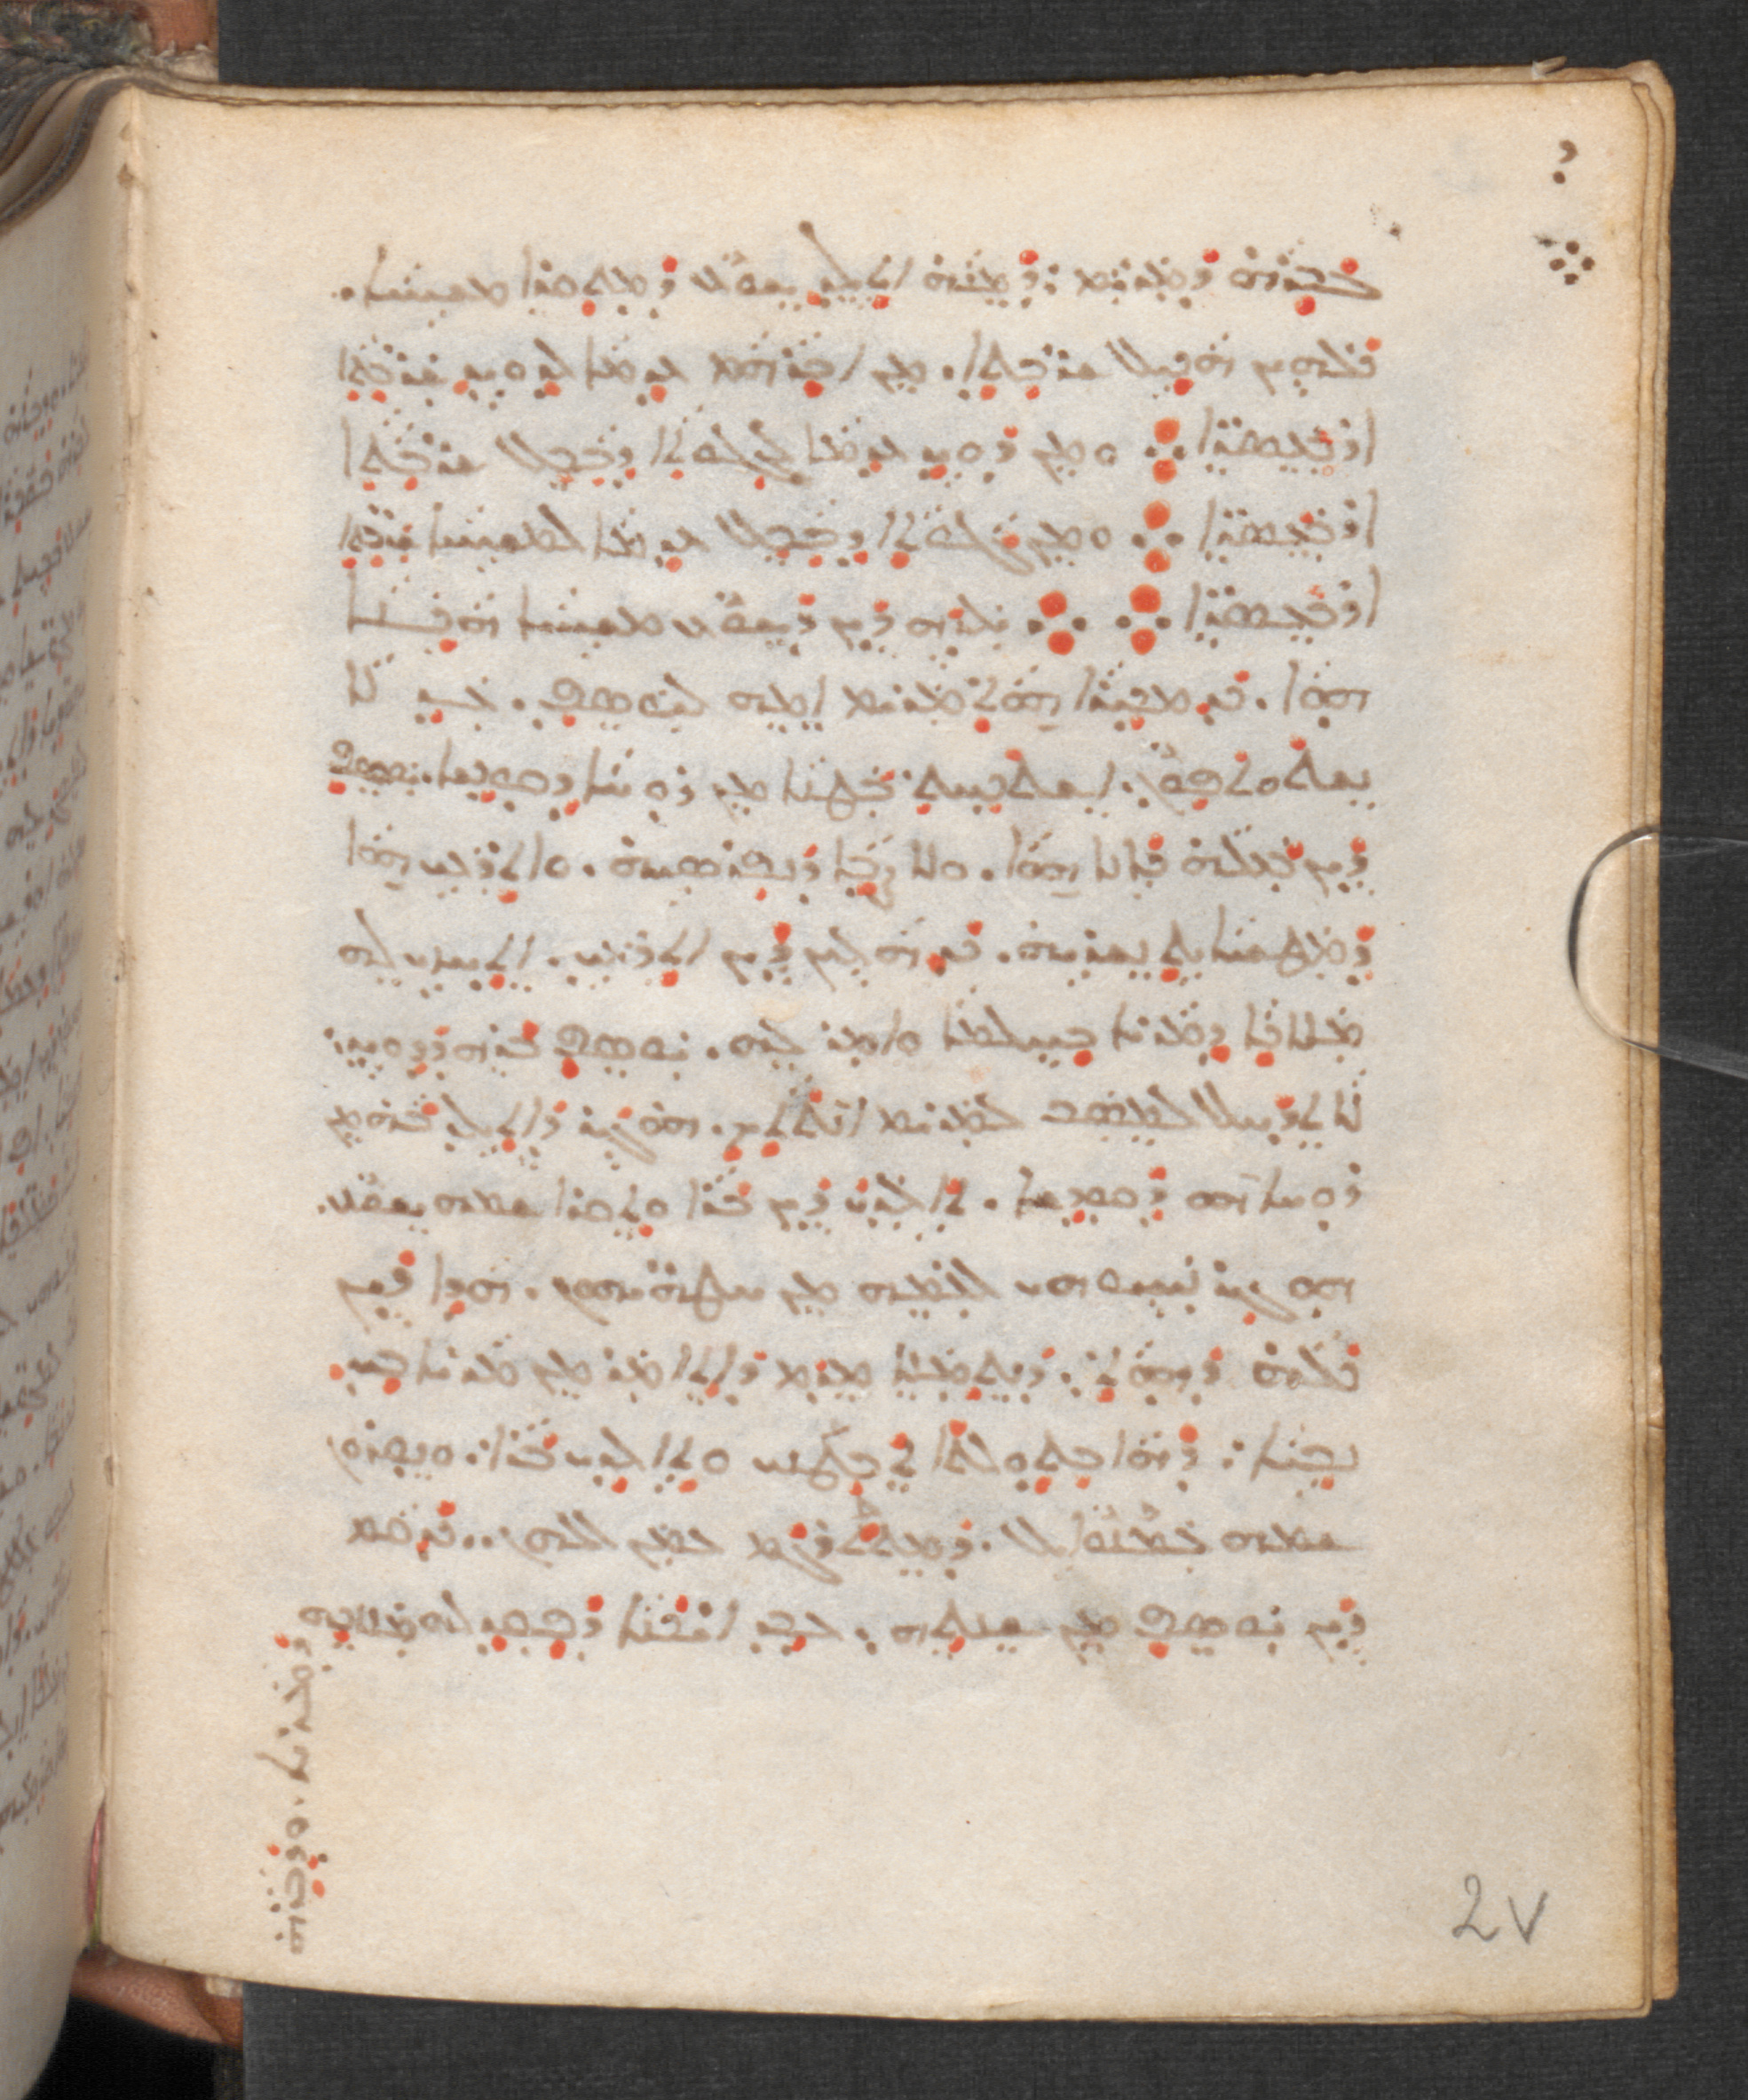ܓܒܪܗ ܕܡܪܝܡ: ܕܡܢܗ̇ ܐܬܝܠܕ ܝܫܘܥ ܕܡܬܩܪܐ ܡܫܝܚܐ.
ܟܠܗܝܢ ܗܟܝܠ ܫܪ̈ܒܬܐ. ܡ̣ܢ ܐܒܪܗܡ ܥܕܡܐ ܠܕܘܝܕ ܫܪ̈ܒܬܐ
ܐܪܒܥܣܪ̈ܐ܀ ܘܡ̣ܢ ܕܘܝܕ ܥܕܡܐ ܠܓܠܘܬܐ ܕܒܒܠ ܫܪ̈ܒܬܐ
ܐܪܒܥܣܪ̈ܐ܀ ܘܡ̣ܢ ܓܠܘܬܐ ܕܒܒܠ ܥܕܡܐ ܠܡܫܝܚܐ ܫܪ̈ܒܬܐ
ܐܪܒܥܣܪ̈ܐ܀܀ ܝܠܕܗ ܕܝܢ ܕܝܫܘܥ ܡܫܝܚܐ ܗܟܢܐ
ܗܘ̣ܐ. ܟܕ ܡܟܝܪܐ ܗܘܬ݀ ܡܪܝܡ ܐܡܗ ܠܝܘܣܦ. ܥܕ ܠܐ
ܢܫܬܘܬܦ݂ܘܢ܆ ܐܫܬܟܚܬ݀ ܒܛܢܐ ܡ̣ܢ ܪܘܚܐ ܕܩܘܕܫܐ. ܝܘܣܦ
ܕܝܢ ܒܥܠܗ̇ ܟܐܢܐ ܗܘܐ. ܘܠܐ ܨܒܐ ܕܢܦܪܣܝܗ̇. ܘܐܬܪܥܝ ܗܘܐ
ܕܡܛܫܝܐܝܬ ܢܫܪܝܗ̇. ܟܕ ܗܠܝܢ ܕܝܢ ܐܬܪܥܝ܆ ܐܬܚܙܝ ܠܗ
ܡܠܐܟܐ ܕܡܪܝܐ ܒܚܠܡܐ ܘܐܡ̣ܪ ܠܗ. ܝܘܣܦ ܒܪܗ ܕܕܘܝܕ܉
ܠܐ ܬܕܚܠ ܠܡܣܒ ܠܡܪܝܡ ܐܢܬܬܟ. ܗ̇ܘ ܓܝܪ ܕܐܬܝܠܕ ܒܗ̇ ܡ̣ܢ
ܪܘܚܐ ܗܘ ܕܩܘܕܫܐ. ܬܐܠܕ ܕܝܢ ܒܪܐ ܘܬܩܪܐ ܫܡܗ ܝܫܘܥ.
ܗ̣ܘ ܓܝܪ ܢܚܝܘܗܝ ܠܥܡܗ ܡ̣ܢ ܚܛܗ̈ܝܗܘܢ. ܗܕܐ ܕܝܢ
ܟܠܗ̇ ܕܗܘܬ܆ ܕܢܬܡܠܐ ܡܕܡ ܕܐܬܐܡܪ ܡ̣ܢ ܡܪܝܐ ܒܝܕ
ܢܒܝܐ܇ ܕܗܐ ܒܬܘܠܬܐ ܬܒܛܢܝ ܘܬܐܠܕ ܒܪܐ܇ ܘܢܩܪܘܢ
ܫܡܗ ܥܡܢܘܐܝܠ. ܕܡܬܬܪܓܡ ܥܡܢ ܐܠܗܢ.. ܟܕ ܩܡ
ܕܝܢ ܝܘܣܦ ܡ̣ܢ ܫܢܬܗ܆ ܥܒ̣ܕ ܐܝܟܢܐ ܕܦܩ̣ܕ ܠܗ ܡܠܐܟܗ
ܕ
܀
ܕܡܪܝܐ.ܘܕܒܪܗ̇
2v